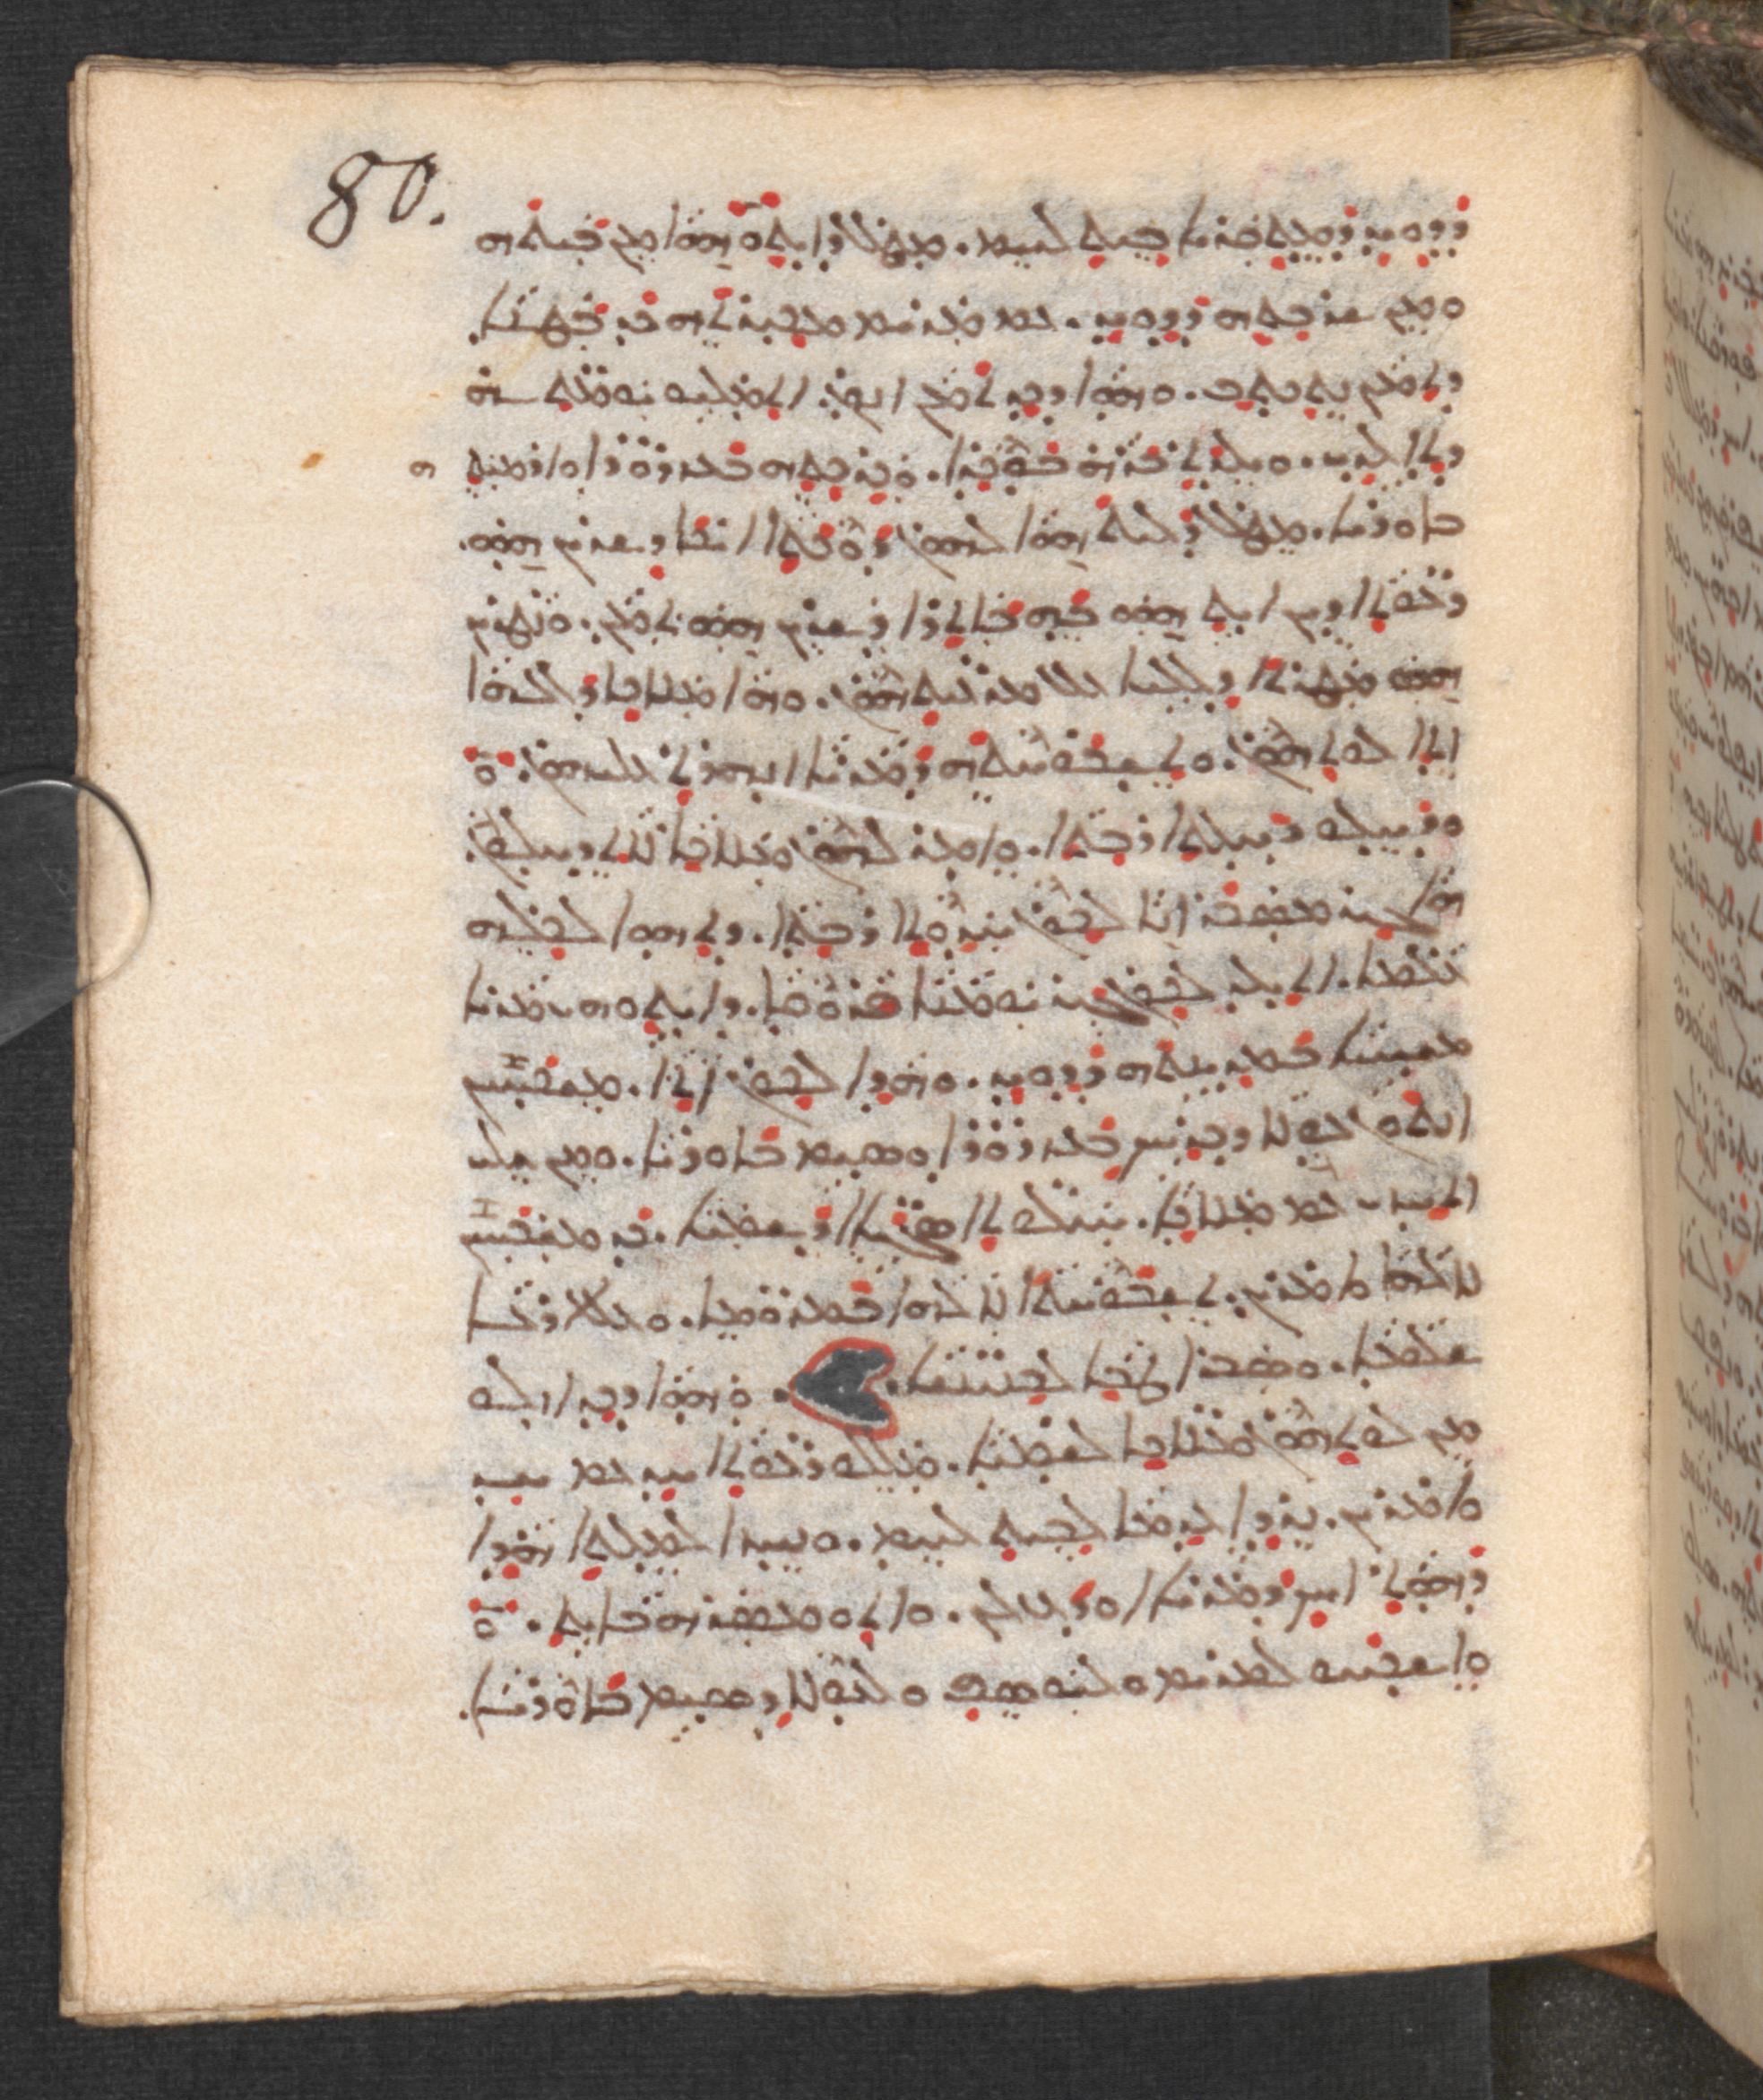ܕܕܘܝܕ ܕܡܬܩܪܝܐ ܒܝܬ ܠܚܡ. ܡܛܠ ܕܐܝܬ܏ܘ ܗܘܐ ܡ̣ܢ ܒܝܬܗ
ܘܡܢ ܫܪܒܬܗ ܕܕܘܝܕ. ܥܡ ܡܪܝܡ ܡܟܝܪܬܗ ܟܕ ܒܛܢܐ.
ܕܬܡܢ ܢܬܟܬܒ. ܘܗܘ̣ܐ ܕܟܕ ܬܡܢ ܐܢܘܢ܆ ܐܬܡܠܝܘ ܝܘܡ̈ܬܗ̇
ܕܬܐܠܕܝ. ܘܝܠܕܬ ܒܪܗ̇ ܒܘܟܪܐ܆ ܘܟܪܟܬܗ ܒܥܙܪ̈ܘܪܐ ܘܐܪܡܝܬ
ܒܐܘܪܝܐ. ܡܛܠ ܕܠܝܬ ܗܘܐ ܠܗܘܢ ܕܘܟܬܐ ܐܝܟܐ ܕܫܪܝܢ ܗܘܘ.
ܪ̈ܥܘܬܐ ܕܝܢ ܐܝܬ ܗܘܘ ܒܗ ܒܐܬܪܐ ܕܫܪܝܢ ܗܘܘ ܬܡܢ܆ ܘܢ̇ܛܪܝܢ
ܗܘܘ ܡܛܪܬܐ ܕܠܠܝܐ ܥܠ ܡܪ̈ܥܝܬܗܘܢ. ܘܗܐ ܡܠܐܟܐ ܕܐܠܗܐ
ܐܬܐ ܠܘܬܗܘܢ. ܘܬܫܒܘܚܬܗ ܕܡܪܝܐ ܐܗܪܬ ܥܠܝܗܘܢ. ܏ܘ
ܘܕܚ̣ܠܘ ܕܚܠܬܐ ܪܒܬܐ. ܘܐܡ̣ܪ ܠܗܘܢ ܡܠܐܟܐ ܠܐ ܬܕܚܠܘܢ.
ܗܐ ܓܝܪ ܡܣܒܪ ܐܢܐ ܠܟܘܢ ܚܕܘܬܐ ܪܒܬܐ. ܕܬܗܘܐ ܠܟܠܗ
ܥܠܡܐ. ܐܬܝܠܕ ܠܟܘܢ ܓܝܪ ܝܘܡܢܐ ܦܪܘܩܐ܆ ܕܐܝܬܘܗܝ ܡܪܝܐ
ܡܫܝܚܐ ܒܡܕܝܢܬܗ ܕܕܘܝܕ. ܘܗܕܐ ܠܟܘܢ ܐܬܐ. ܡܫܟܚܝܢ
ܐܢܬܘܢ ܥܘܠܐ ܕܟܪܝܟ ܒܥܙܪ̈ܘܪܐ. ܘܣܝܡ ܒܐܘܪܝܐ. ܘܡ̣ܢ ܫܠܝ
ܐܬܚܙܝܘ ܥܡ ܡܠܐܟܐ. ܚܝ̈ܠܘܬܐ ܣܓ̈ܝܐܐ ܕܫܡܝܐ. ܟܕ ܡܫܒܚܝܢ
ܠܐܠܗܐ ܘܐܡ̇ܪܝܢ܆ ܬܫܒܘܚܬܐ ܠܐܠܗܐ ܒܡܪ̈ܘܡܐ. ܘܥܠ ܐܪܥܐ
ܫܠܡܐ܆ ܘܣܒܪܐ ܛܒܐ ܠܒܢܝ̈ܢܫܐ. . ܘܗܘܐ ܕܟܕ ܐܙܠܘ
ܡ̣ܢ ܠܘܬܗܘܢ ܡ̈ܠܐܟܐ ܠܫܡܝܐ܆ ܡܠܠܘ ܪ̈ܥܘܬܐ ܚܕ ܥܡ ܚܕ
ܘܐܡܪܝܢ. ܢܪܕܐ ܥܕܡܐ ܠܒܝܬ ܠܚܡ܆ ܘܢܚܙܐ ܠܡܠܬܐ ܗܕܐ
ܕܗܘܬ ܐܝܟ ܕܡܪܝܐ ܐܘܕܥ ܠܢ. ܘܐܬ̣ܘ ܡܣܪܗܒܐܝܬ. ܏ܘ
ܘܐܫܟ̣ܚܘ ܠܡܪܝܡ ܘܠܝܘܣܦ ܘܠܥܘܠܐ ܕܣܝܡ ܒܐܘܪܝܐ.
80
ܗ